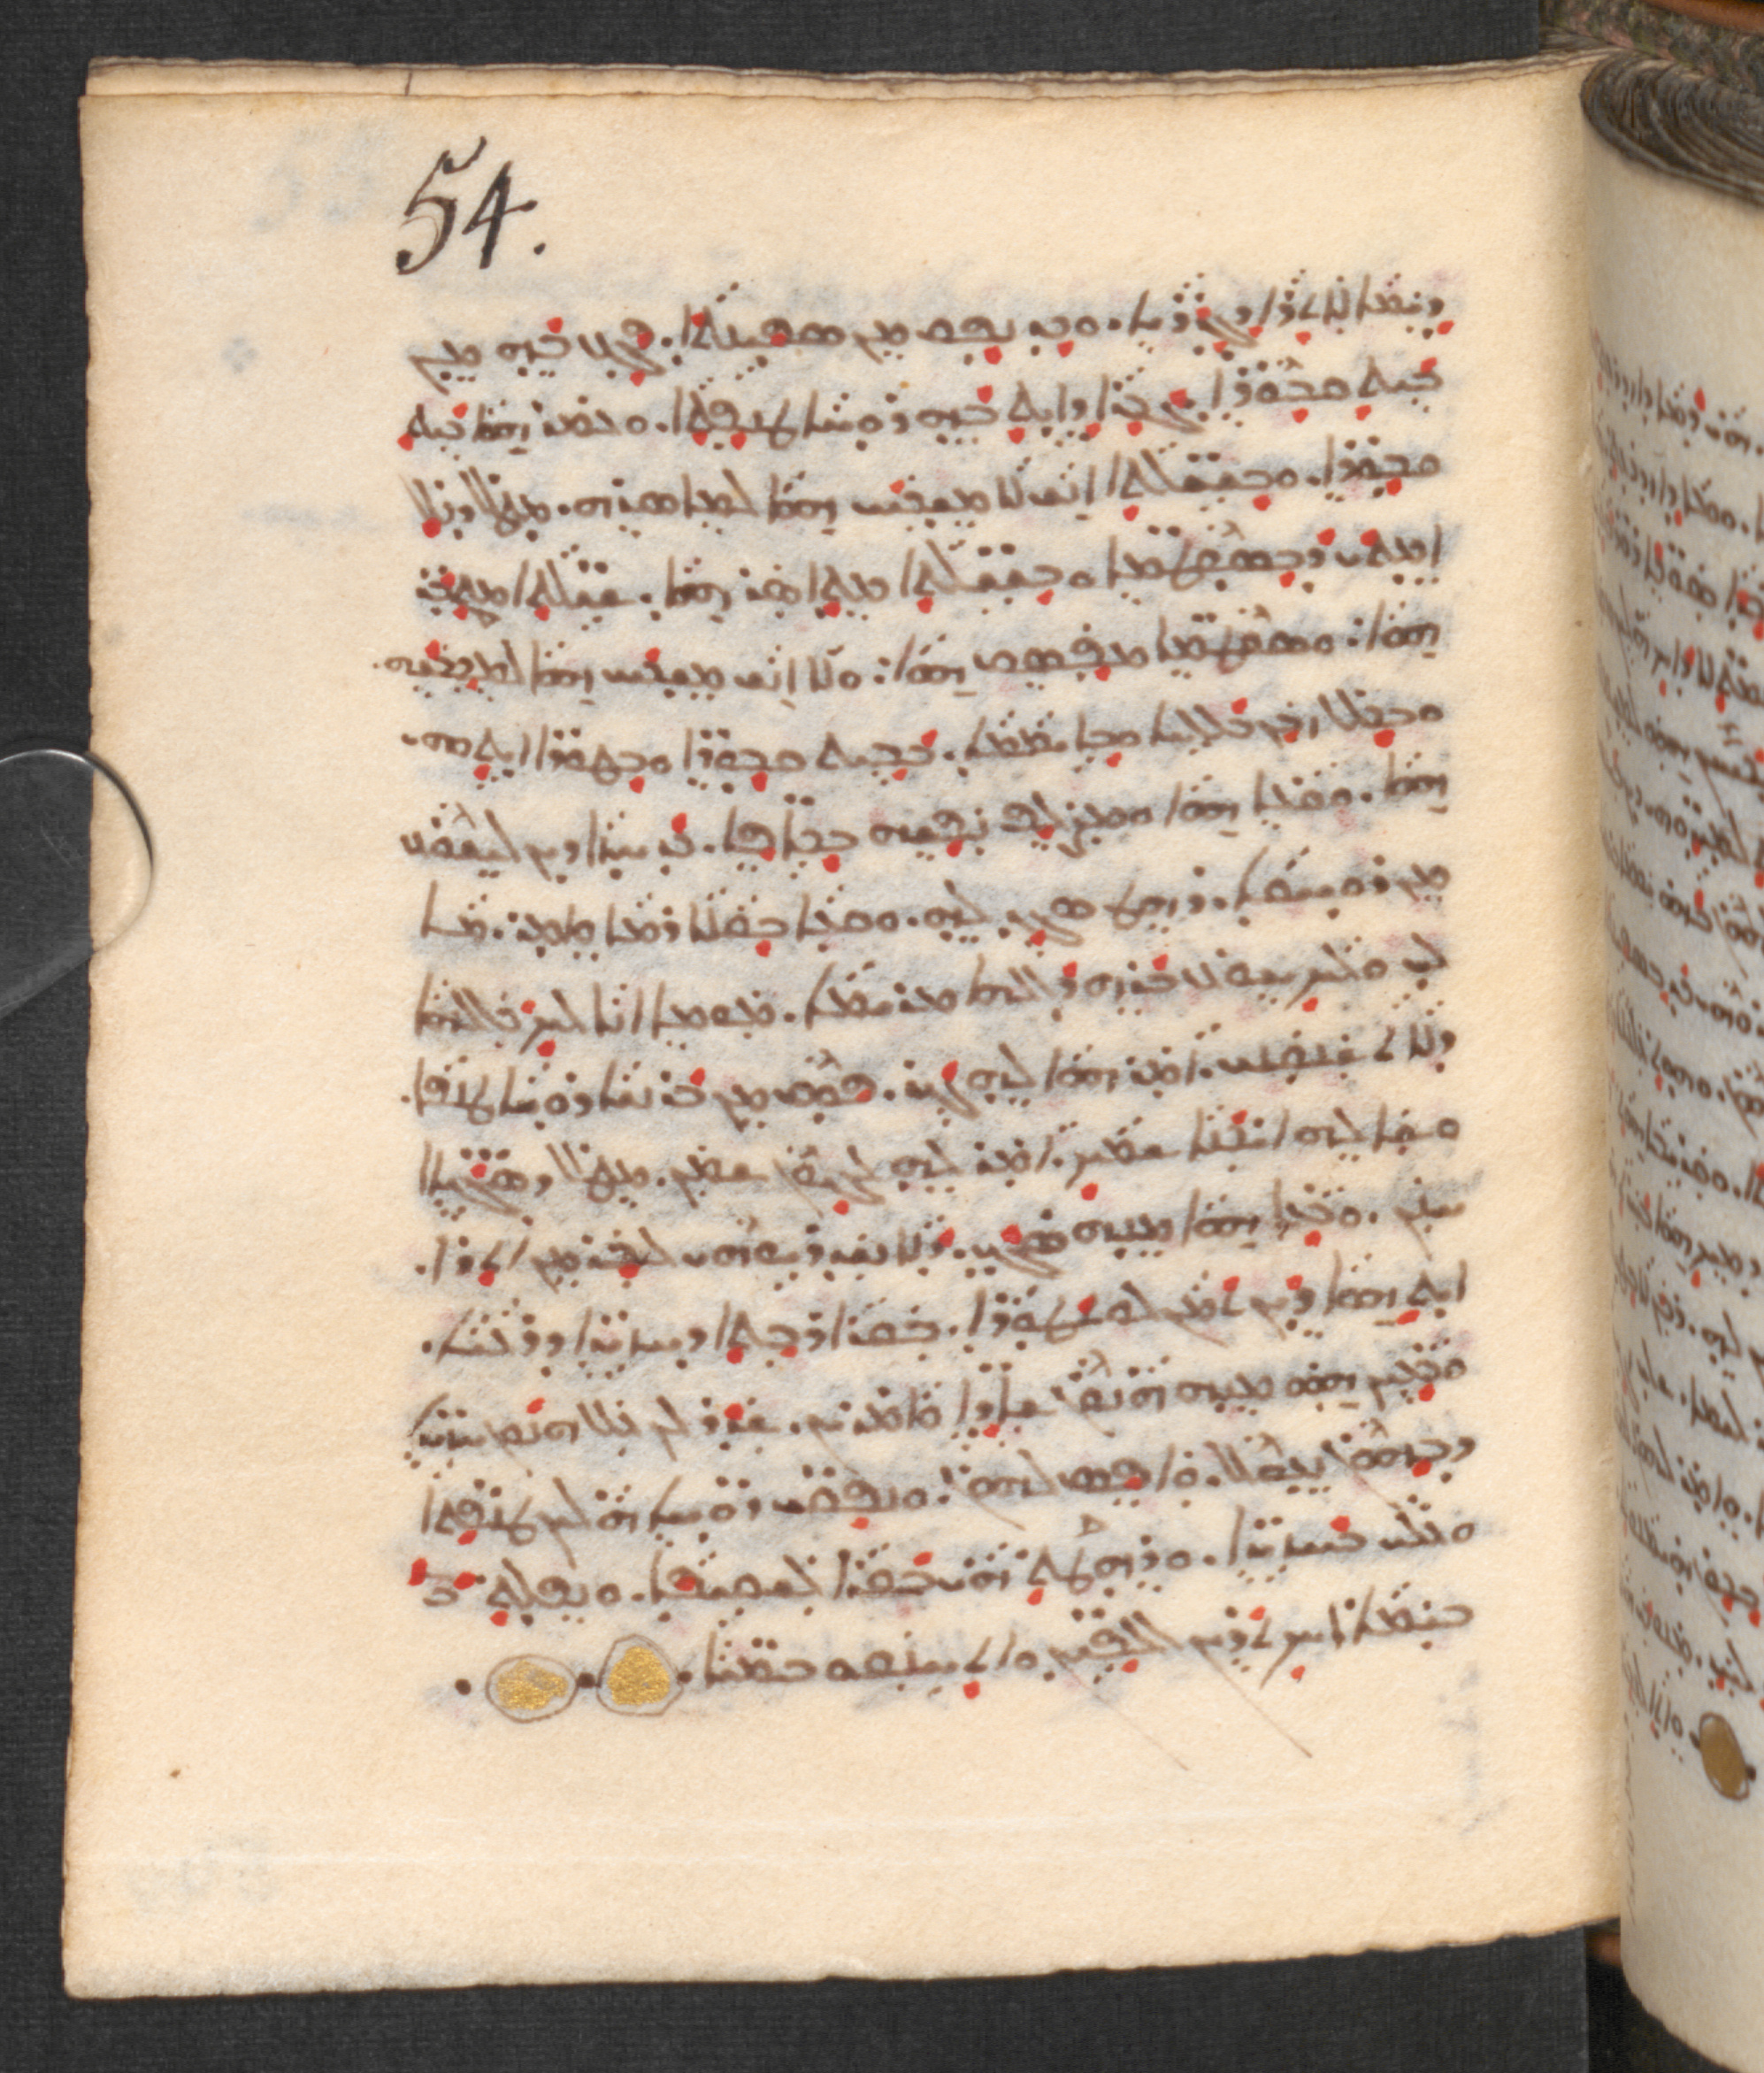ܕܝܡܐ ܠܐ ܬܪܐ ܕܓܕܪܝܐ. ܘܟܕ ܢܦܩ ܡܢ ܣܦܝܢܬܐ. ܦܓܥ ܒܗ ܡܢ
ܒܝܬ ܩܒܘܪ̈ܐ܆ ܓܒܪܐ ܕܐܝܬ ܒܗ ܪܘܚܐ ܛܢܦܬܐ. ܘܥܡ̇ܪ ܗܘܐ ܒܝܬ
ܩܒܘܪ̈ܐ. ܘܒܫܫ̈ܠܬܐ ܐܢܫ ܠܐ ܡܫܟܚ ܗܘܐ ܠܡܐܣܪܗ. ܡܛܠ ܕܟܠ
ܐܡܬܝ ܕܒܣܘܛܡ̈ܐ ܘܒܫܫ̈ܠܬܐ ܡܬܐܣܪ ܗܘܐ܆ ܫܫ̈ܠܬܐ ܡܬܒܪ
ܗܘܐ: ܘܣܘܛܡ̈ܐ ܡܦܣܩ ܗܘܐ܇ ܘܠܐ ܐܢܫ ܡܫܟܚ ܗܘܐ ܠܡܟܒܫܗ
ܘܒܟܠ ܙܒܢ ܒܠܠܝܐ ܘܒܐ ܝܡܡܐ܆ ܒܒܝܬ ܩܒܘܪ̈ܐ ܘܒܛܘܪ̈ܐ ܐܝܬܘܗܝ
ܗܘܐ. ܘܩ̇ܥܐ ܗܘܐ ܘܡܨܠܦ ܢܦܫܗ ܒܟܐ̈ܦܐ. ܟܕ ܚܙܐ ܕܝܢ ܠܝܫܘܥ
ܡܢ ܪܘܚܩܐ. ܪܗܛ ܣܓܕ ܠܗ܆ ܘܩܥ̣ܐ ܒܩܠܐ ܪܡܐ ܘܐܡ̣ܪ. ܡܐ
ܘܠܝ ܘܠܟ ܝܫܘܥ ܒܪܗ ܕܐܠܗܐ ܡܪܝܡܐ. ܡܘܡܐ ܐܢܐ ܠܟ ܒܐܠܗܐ
ܕܠܐ ܫܢܩܢܝ. ܐܡ̇ܪ ܗܘܐ ܠܗ ܓܝܪ. ܦܘ̣ܩ ܡܢ ܒܪܢܫܐ ܪܘܚܐ ܛܢܦܐ.
ܘܫܐܠܗ ܐܝܟܢܐ ܫܡܟ. ܐܡ̇ܪ ܠܗ ܠܓܝܘܢ ܫܡܢ. ܡܛܠ ܕܣ̈ܓܝܐܐ
ܚܢܢ. ܘܒ̇ܥܐ ܗܘܐ ܡܢܗ ܘܣ̇ܓܝ. ܕܠܐ ܢܫܕܪܝܘܗܝ ܠܒܪ ܡܢ ܐܬܪܐ.
ܐܝܬ ܗܘܐ ܕܝܢ ܬܡܢ ܠܘ ܚܛܘܪܐ. ܒܩܪܐ ܪܒܬܐ ܕܚܙܝܪ̈ܐ ܕܪܥܝܐ.
ܘܒ̇ܥܝܢ ܗܘܘ ܡܢܗ ܗܢܘܢ ܫܐ̈ܕܐ ܘܐܡ̇ܪܝܢ. ܫܕܪ ܠܢ ܥܠ ܗܢܘܢ ܚܙܝܪ̈ܐ
ܕܒܗܘܢ ܢܥܘܠ. ܘܐܦܣ ܠܗܘܢ܆ ܘܢܦܩ̈ܝ ܪ̈ܘܚܐ ܗܠܝܢ ܛܢ̈ܦܬܐ
ܘܥܠܝ ܒܚܙܝܪ̈ܐ. ܘܪܗܛܬ ܗ̇ܝ ܒܩܪܐ ܠܫܩܝܦܐ. ܘܢܦܠܬ ܏ܒ
ܒܝܡܐ ܐܝܟ ܬܪܝܢ ܐܠܦܝ̈ܢ. ܘܐܬܚܢܩܘ ܒܡ̈ܝܐ ܀ ܀
54.